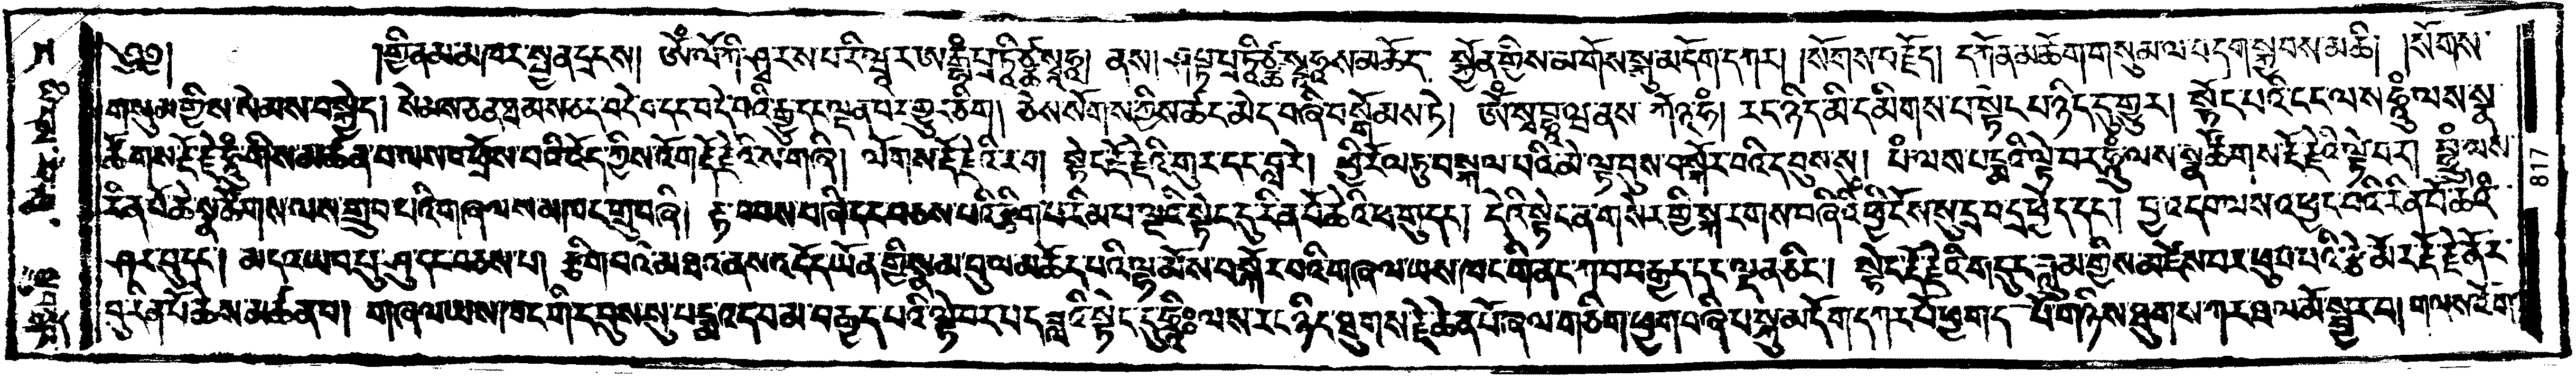༄༅། །གྱི་ནམ་མཁར་སྤྱན་དྲངས། ཨོཾ་ལོ་ཀི་ཤྭ་རས་པའི་རི་ཝཱ་ར་ཨརྒྷཾ་པྲ་ཏཱི་ཙྪ་སྭཱཧཱ། ནས། ཤཔྟ་པྲ་ཏཱི་ཙྪ་སྭྰྷཱ་ས་མཆོད། སྐྱོན་གྱིས་མ་གོས་སྐུ་མདོག་དང་། །སོགས་བརྗོད། དཀོན་མཆོག་གསུམ་ལ་བདག་སྐྱབས་མཆི། །སོགས་
གསུམ་གྱིས་སེམས་བསྐྱེད། སེམས་ཅན་ཐམས་ཅད་བདེ་བ་དང་བདེ་བའི་རྒྱུ་དང་ལྡན་པར་གྱུར་ཅིག། ཅེས་སོགས་ཀྱིས་ཚང་མེད་བཞི་བསྒོམས་ཏེ། ཨོཾ་སྭ་བྷཱ་ཝ་ནས་ཀོཉ་ཧཾ། རང་ཉིད་མི་དམིགས་པ་སྟོང་པ་ཉིད་དུ་གྱུར། སྟོང་པའི་ངང་ལས་ཧཱུཾ་ལས་སྣ་
ཚོགས་རྡོ་རྗེ་ཧཱུཾ་གིས་མཚན་པ་ལས་འཕྲོས་པའི་འོད་ཀྱིས་འོག་རྡོ་རྗེའི་ས་གཞི། ལོགས་རྡོ་རྗེའི་རབ། སྟེང་རྡོ་རྗེའི་གུར་དང་བླ་རེ། ཕྱི་རོལ་ཏུ་བསྐལ་བའི་མེ་ལྟ་བུས་བསྐོར་བའི་དབུས་སུ། པཾ་ལས་པདམའི་ལྟེ་བར་ཧཱུཾ་ལས་སྣ་ཚོགས་རྡོ་རྗེའི་ལྟེ་བར། བྷྲཱུཾ་ལས་
རིན་པོ་ཆེ་སྣ་ཚོགས་ལས་གྲུབ་པའི་གཞལ་ཡས་ཁང་གྲུ་བཞི། རྟ་བབས་བཞི་དང་བཅས་པའི་རྩིག་པ་རིམ་པ་ལྔའི་སྟེང་དུ་རིན་པོ་ཆེའི་ཕ་གུ་དང་། དེའི་སྟེང་ན་གསེར་གྱི་སྐ་རགས་བཞིའི་ཕྱི་ངོས་སུ་དྲ་བ་དྲ་ཕྱེད་དང་། བྱ་འདབ་ལས་འཕྱང་བའི་རིན་པོ་ཆེའི་
ཤར་བུ་དང་། མདའ་ཡབ་པུ་ཤུ་དང་བཅས་པ། རྩིག་པའི་མཐའ་ནས་འདོད་ཡོན་གྱི་སྣམ་བུ་ལ་མཆོད་པའི་ལྷ་མོས་བསྐོར་བའི་གཞལ་ཡས་ཁང་གི་ནང་ཀ་བ་བརྒྱད་དང་ལྡན་ཅིང་། སྟེང་རྡོ་རྗེའི་གདུང་ཟླུམ་གྱིས་མཛེས་པར་ཕུབ་པའི་རྩེ་མོར་རྡོ་རྗེ་ནོར་
བུ་རིན་པོ་ཆེས་མཚན་པ། གཞལ་ཡས་ཁང་གི་དབུས་སུ་པདམ་འདབ་མ་བརྒྱད་པའི་ལྟེ་བར་པད་ཟླའི་སྟེང་དུ་ཧྲཱིཿ ལས་རང་ཉིད་ཐུགས་རྗེ་ཆེན་པོ་ཞལ་གཅིག་ཕྱག་བཞི་པ་སྐུ་མདོག་དཀར་པོ་ཕྱག་དང་པོ་གཉིས་ཐུགས་ཀར་ཐལ་མོ་སྦྱར་བ། གཡས་འོག་